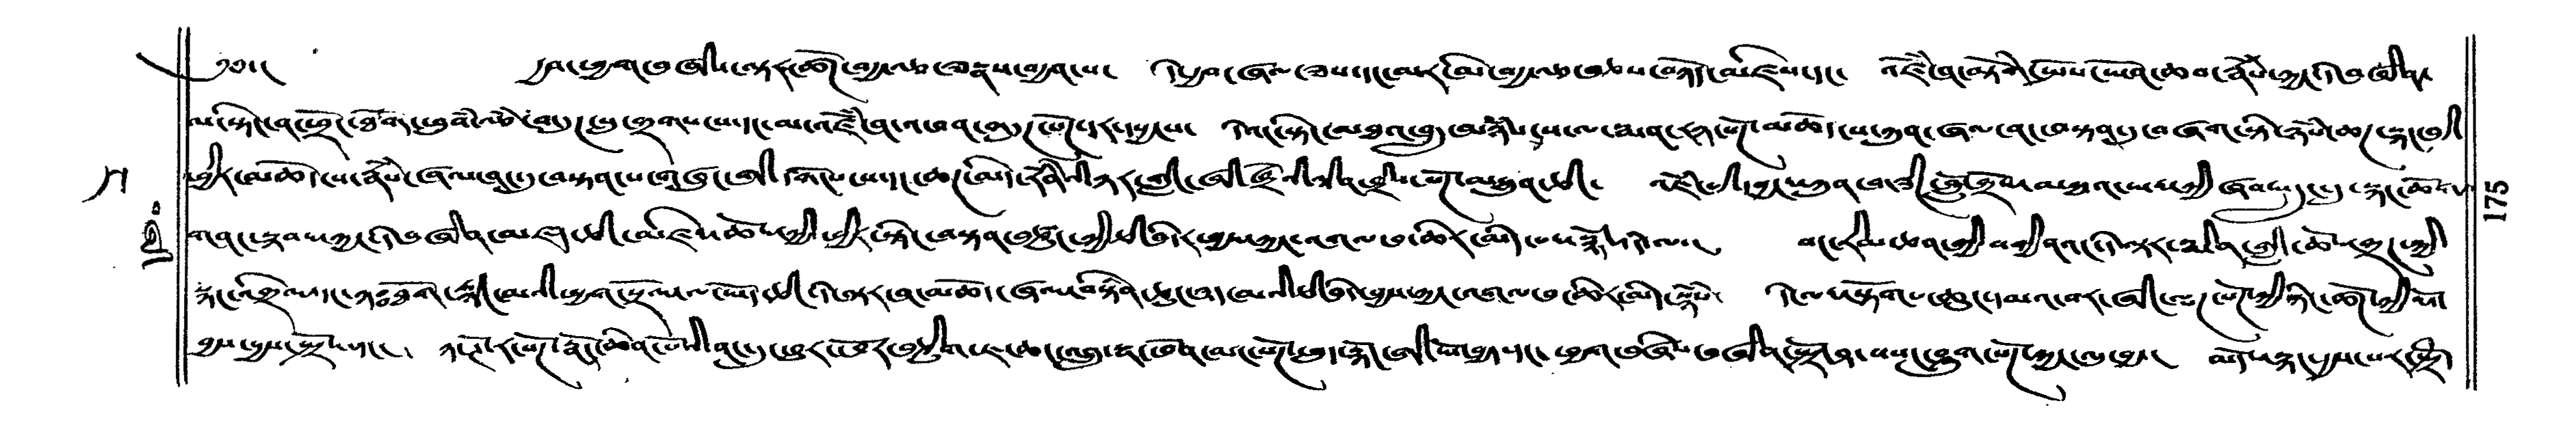རྒྱབ་ཕྱག་བཞེས་ལྟར་ཚོགས་བརྒྱ་རྩ་ཟས་སྣས་བརྒྱན་པ། དེ་རྒྱབ་ཞལ་ཟས་དང་མར་མེ་བརྒྱ་རྩ་བཅས་བཀོད་མཛེས་དང་། འཛོམས་ན་མེ་ཏོག་སྤོས་ཡོན་ཆབ་རྣམས་ཀྱང་དེ་བཞིན་
ལ་སྟེང་ན་ཕོ་བྲང་ཐོག་ཕུབ་བམ་ཙཀ་གདུགས་སུ་གྲགས་པ་དང་།མ་འཛོམས་ན་འཕན་གདུགས་སོགས་དར་དཔྱངས། དེའང་སྟེང་མཐའ་གྲུ་མ་ཉམས་པ་ལ་སྨན་རཀ་སོགས་མཆོད་པ་ཀུན་ཞལ་ནང་བསྟན་དུ་བཞག་སྟེ་ཉམས་ཆག་སྐོང་བའི་
ཕྱིར་མཆོད་པ་རྣམས་ཞལ་ནང་དུ་བསྟན་པ་གཞུང་གི་དགོངས་པ་དང་ཆགས་མེད་རིན་པོ་ཆེའི་ཀར་གླིང་ཞི་ཁྲོའི་ཟིན་བྲིས་སོགས་མཐུན་ཅིང་། འཇམ་པའི་དབྱངས་ཀུན་གཟིགས་བློ་གྲོས་མཐའ་ཡས་ཞབས་ཀྱང་སྐོང་ཆོག་
གནང་སྐབས་ཀྱང་དེ་བཞིན་མཛད་ཅིང་མཛེས་ཆོས་ཀྱི་ཕྱིར་སྐོང་བསྟན་བཙུགས་ཀྱི་ཅི་བདེར་བྱས་ཀྱང་འགལ་བ་ཆེད་མེད་པས་སྙོམས་དེ་ལ་། བང་རིམ་ཅན་བགྱི་ནའང་སྨིན་གླིང་ཆོས་གྲགས་ཀྱི་
སྐོང་འགྲེལ་དང་ཀཿ ཐོག་རྙིང་མའི་ཕྱག་སྲོལ་ལའང་ཡོད་ཅིང་དེ་ལྟར་ན་མཆོད་ཞལ་སྟོན་སྟངས་ཅི་བདེ་བྱས་ཀྱང་འགལ་བ་ཆེར་མེད་སྙམ། དེ་ལ་སྟེགས་ཆུང་དམའ་བར་ཞིང་ལྤགས་སོགས་ཀྱི་སྟེང་ཚོགས་ཀྱི་ཡོ་
བྱད་རྒྱས་སྤྲོས་དང་། ཀ་ཏོ་ར་སོགས་སྣོད་ཆེན་པོའི་ནང་དུ་ཕུད་ཕོར་བཅུ་གཅིག་ཇ་ཆང་འབྲུ་སྣ་སོགས་ཕུད་སྐོང་གི་ཡོ་བྱད་དང་ཕྱག་བཞེས་བཞིན་སྤྲོ་ན་བསང་ཤུག་སོགས་ཀྱང་འདུ་བྱ། མདངས་སྐོང་རྒྱས་པར་སྤྲོ་